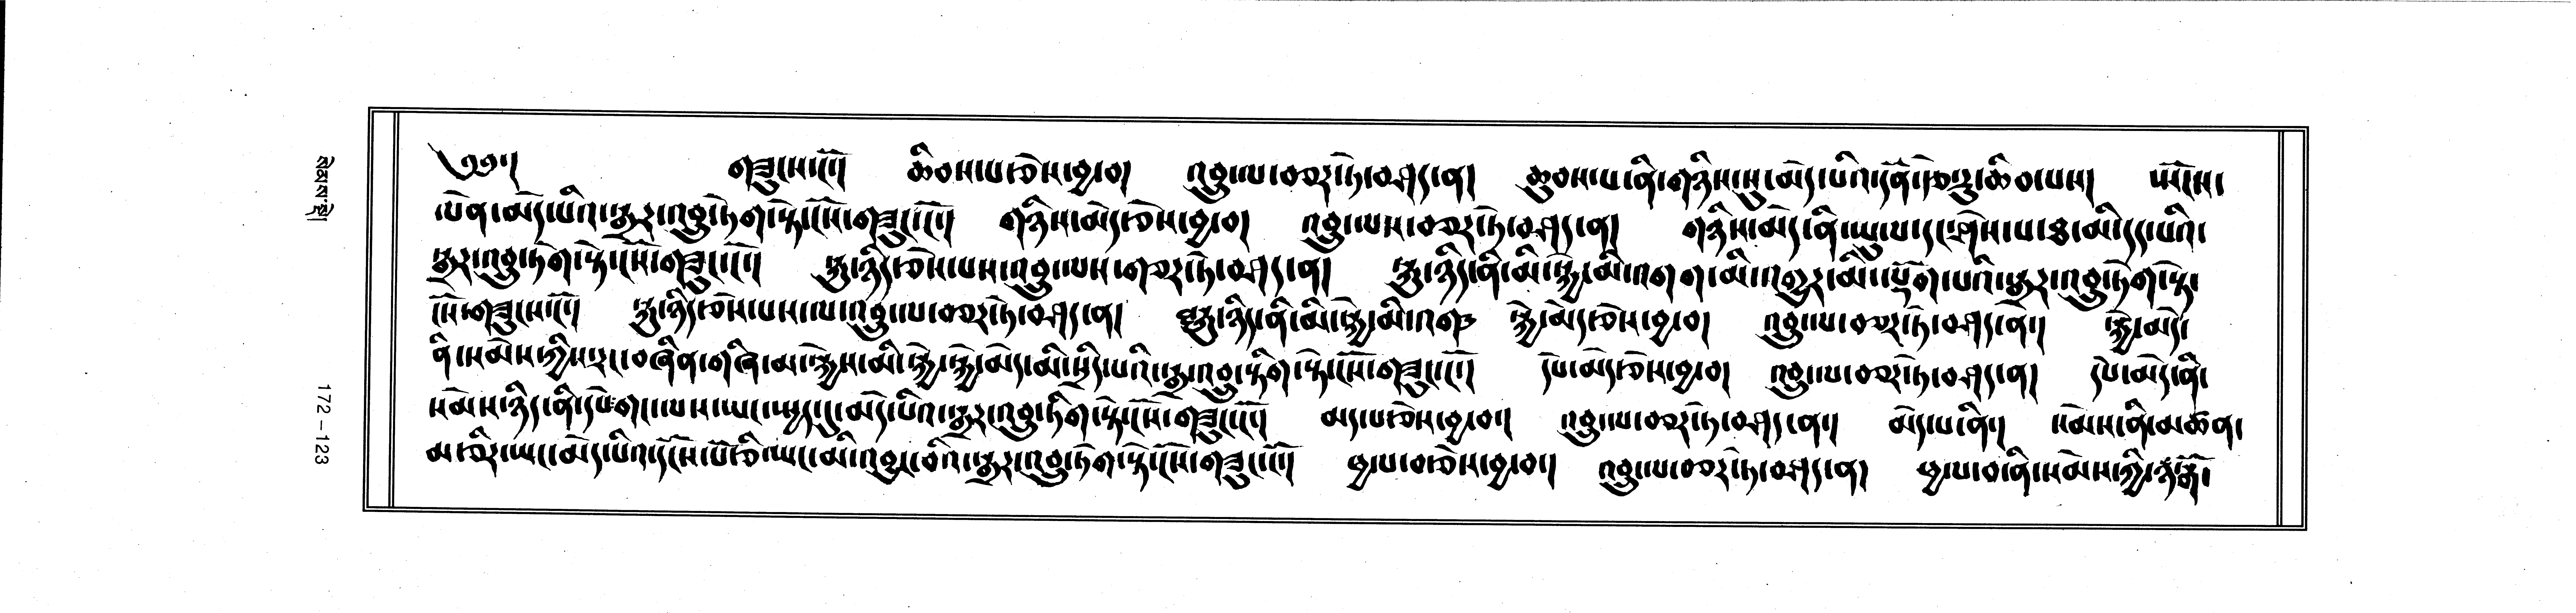གཟུངས་ངོ་། ཆུབས་པ་ཅེས་བྱ་བ། འབྲུ་ལ་བཅར་ཏེ་བཤད་ན། ཆུབས་པ་ནི་གཉིས་སུ་མེད་པའི་དོན་རྩེ་རུ་ཆིབ་པས། སྤོངས་
ལེན་མེད་པའི་སྒྲར་འབྲུ་ཏིག་སྟེ་ངོས་གཟུངས་ངོ་། གཉིས་མེད་ཅེས་བྱ་བ། འབྲུ་ལས་བཅར་ཏེ་བཤད་ན། གཉིས་མེད་ནི་ཡུལ་དང་ཤེས་པ་ཐ་མི་དད་པའི་
སྒྲར་འབྲུ་ཏིག་སྟེ་ངོས་གཟུངས་ངོ་། སྐུ་ཉིད་ཅེས་པས་འབྲུ་ལས་གཅར་ཏེ་བཤད་ན། སྐུ་ཉིད་ན་མི་སྐྱེ་མི་འགག་མི་འགྱུར་མི་ལྡོག་པའི་སྒྲར་འབྲུ་ཏིག་སྟེ་
ངོས་གཟུངས་ངོ་། སྐུ་ཉིད་ཅེས་པས་ལ་འབྲུ་ལ་བཅར་ཏེ་བཤད་ན། སྐྱེ་མེད་ཅེས་བྱ་བ། འབྲུ་ལ་བཅར་ཏེ་བཤད་ན། སྐྱེ་མེད་
ནི་སེམས་ཀྱིས་རང་བཞིན་གཞི་མ་སྐྱེས་མི་སྐྱེ་སྐྱེ་མེད་མི་སྲིད་པའི་སྒྲ་འབྲུ་ཏིག་སྟེ་ངོས་གཟུངས་ངོ་། དཔེ་མེད་ཅེས་བྱ་བ། འབྲུ་ལ་བཅར་ཏེ་བཤད་ན། དཔེ་མེད་ནི་
སེམས་ཉིད་ནི་དཔེ་གང་ལས་ཡང་སྤྱད་དུ་མེད་པའི་སྒྲར་འབྲུ་ཏིག་སྟེ་ངོས་གཟུངས་ངོ་། མེད་པ་ཅེས་བྱ་བ། འབྲུ་ལ་བཅར་ཏེ་བཤད་ན། མེད་པ་ནི། སེམས་ནི་མཚན་
མ་ཅིར་ཡང་མེད་པའི་དངོས་པོ་ཅི་ཡང་མི་འབྱུང་བའི་སྒྲར་འབྲུ་ཏིག་སྟེ་ངོས་གཟུངས་ངོ་། ཕྱལ་བ་ཅེས་བྱ་བ། འབྲུ་ལ་བཅར་ཏེ་བཤད་ན། ཕྱལ་བ་ནི་སེམས་ཀྱི་སྒོ་